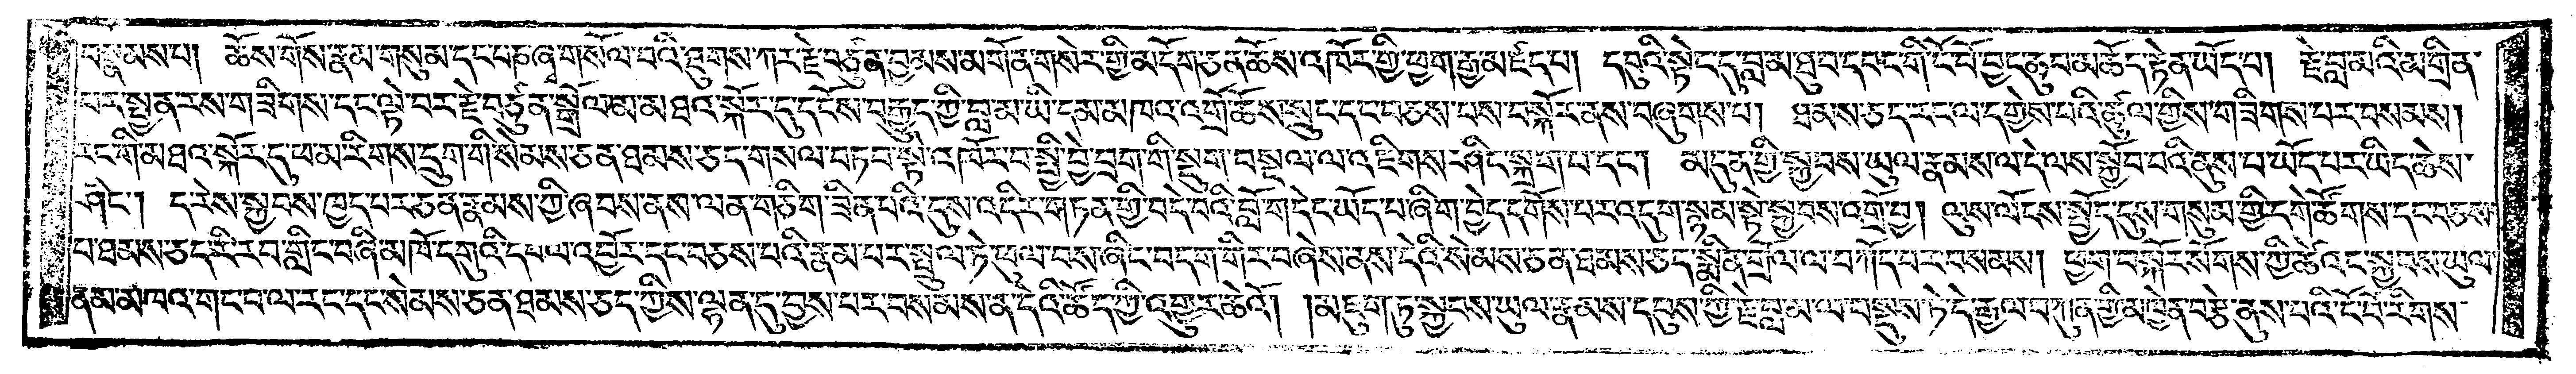བསྣམས་པ། ཆོས་གོས་རྣམ་གསུམ་དང་པཎ་ཞྭ་གསོལ་བའི་ཐུགས་ཀར་རྗེ་བཙུན་བྱམས་མགོན་གསེར་གྱི་མདོག་ཅན་ཆོས་འཁོར་གྱི་ཕྱག་རྒྱ་མཛད་པ། དབུའི་སྟེང་དུ་བླ་མ་ཐུབ་དབང་གི་ངོ་བོ་བྱང་ཆུབ་མཆོད་རྟེན་ཡོད་པ། རྗེ་བླ་མའི་མགྲིན་
པར་སྤྱན་རས་གཟིགས་དང་ལྟེ་བར་རྗེ་བཙུན་སྒྲོལ་མ་མཐའ་སྐོར་དུ་དངོས་བརྒྱུད་ཀྱི་བླ་མ་ཡི་དམ་མཁའ་འགྲོ་ཆོས་སྲུང་དང་བཅས་པས་བསྐོར་ནས་བཞུགས་པ། ཐམས་ཅད་རང་ལ་དགྱེས་པའི་ཚུལ་གྱིས་གཟིགས་པར་བསམས།
རང་གི་མཐའ་སྐོར་དུ་ཕ་མ་རིགས་དྲུག་གི་སེམས་ཅན་ཐམས་ཅད་གསལ་བཏབ་སྟེ་འཁོར་བ་སྤྱི་བྱེ་བྲག་གི་སྡུག་བསྔལ་ལ་འཇིགས་ཤིང་སྐྲག་པ་དང་། མདུན་གྱི་སྐྱབས་ཡུལ་རྣམས་ལ་དེ་ལས་སྐྱོབ་བའི་ནུས་པ་ཡོད་པར་ཡིད་ཆེས་
ཤིང་། ད་རེས་སྐྱབས་ཁྱད་པར་ཅན་རྣམས་ཀྱི་ཞབས་ནས་ལན་གཅིག་ཟིན་པའི་དུས་འདིར་གཏན་གྱི་བདེ་བའི་བློ་གདེང་ཡོད་པ་ཞིག་བྱེད་དགོས་པར་འདུག་སྙམ་སྟེ་སྐྱབས་འགྲོ་བྱ། ལུས་ལོངས་སྤྱོད་དུས་གསུམ་གྱི་དགེ་ཚོགས་དང་བཅས་
པ་ཐམས་ཅད་རི་རབ་གླིང་བཞི་མཁོ་དགུའི་དཔལ་འབྱོར་དང་བཅས་པའི་རྣམ་པར་སྤྲུལ་ཏེ་ཕུལ་བས་ཞིང་བདག་གིར་བཞེས་ནས་དེའི་སེམས་ཅན་ཐམས་ཅད་སྨིན་གྲོལ་ལ་བཀོད་པར་བསམས། ཕྱག་བསྐོར་སོགས་ཀྱི་ཚེའང་སྐྱབས་ཡུལ་
ནམ་མཁའ་གང་བ་ལ་རང་དང་སེམས་ཅན་ཐམས་ཅད་ཀྱིས་ལྷན་དུ་བྱས་པར་བསམས་ན་དེའི་ཚོད་ཀྱི་འགྱུར་ཆེའོ། །མཇུག་ཏུ་སྐྱབས་ཡུལ་རྣམས་དབུས་ཀྱི་རྗེ་བླ་མ་ལ་བསྡུས་ཏེ་དེ་རྒྱལ་བ་ཀུན་གྱི་མཁྱེན་བརྩེ་ནུས་པའི་ངོ་བོ་རིགས་